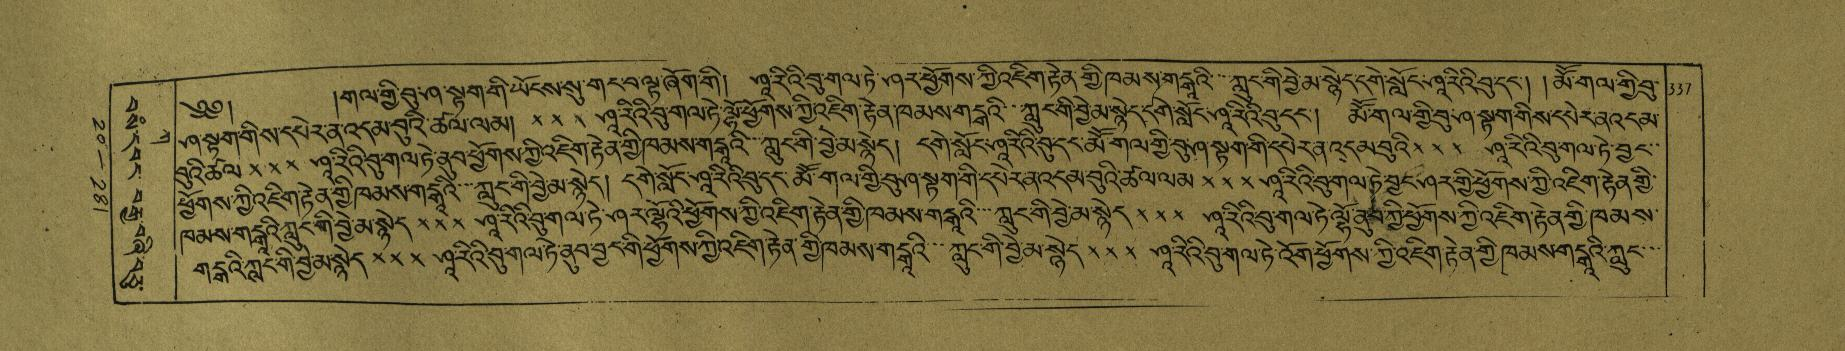༄༅། །གལ་གྱི་བུ་ཤ་སྟག་གི་ཡོངས་སུ་གང་བ་ལྟ་ཞོག་གི། ཤཱ་རིའི་བུ་གལ་ཏེ་ཤར་ཕྱོགས་ཀྱི་འཇིག་རྟེན་གྱི་ཁམས་གངྒཱའི་ཀླུང་གི་བྱེ་མ་སྙེད་དགེ་སློང་ཤཱ་རིའི་བུ་དང་། །མཽ་གལ་གྱི་བུ་
ཤ་སྟག་གིས་དཔེར་ན་འདམ་བུའི་ཚལ་ལམ། ྾་྾་྾་ཤཱ་རིའི་བུ་གལ་ཏེ་ལྷོ་ཕྱོགས་ཀྱི་འཇིག་རྟེན་ཁམས་གངྒའི་ཀླུང་གི་བྱེ་མ་སྙེད་དགེ་སློང་ཤཱ་རིའི་བུ་དང་། མཽ་གལ་གྱི་བུ་ཤ་སྟག་གིས་དཔེར་ན་འདམ་
བུའི་ཚལ་྾་྾་྾་ཤཱ་རིའི་བུ་གལ་ཏེ་ནུབ་ཕྱོགས་ཀྱི་འཇིག་རྟེན་གྱི་ཁམས་གངྒཱའི་ཀླུང་གི་བྱེ་མ་སྙེད། དགེ་སློང་ཤཱ་རིའི་བུ་དང་མཽ་གལ་གྱི་བུ་ཤ་སྟག་གི་དཔེར་ན་འདམ་བུའི་྾་྾་྾་ཤཱ་རིའི་བུ་གལ་ཏེ་བྱང་
ཕྱོགས་ཀྱི་འཇིག་རྟེན་གྱི་ཁམས་གངྒཱའི་ཀླུང་གི་བྱེ་མ་སྙེད། དགེ་སློང་ཤཱ་རིའི་བུ་དང་མཽ་གལ་གྱི་བུ་ཤ་སྟག་གི་དཔེར་ན་འདམ་བུའི་ཚལ་ལམ་྾་྾་྾་ཤཱ་རིའི་བུ་གལ་ཏེ་བྱང་ཤར་གྱི་ཕྱོགས་ཀྱི་འཇིག་རྟེན་གྱི་
ཁམས་གངྒཱའི་ཀླུང་གི་བྱེ་མ་སྙེད་྾་྾་྾་ཤཱ་རིའི་བུ་གལ་ཏེ་ཤར་ལྷོའི་ཕྱོགས་ཀྱི་འཇིག་རྟེན་གྱི་ཁམས་གངྒཱའི་ཀླུང་གི་བྱེ་མ་སྙེད་྾་྾་྾་ཤཱ་རིའི་བུ་གལ་ཏེ་ལྷོ་ནུབ་ཀྱི་ཕྱོགས་ཀྱི་འཇིག་རྟེན་གྱི་ཁམས་
གངྒཱའི་ཀླུང་གི་བྱེ་མ་སྙེད་྾་྾་྾་ཤཱ་རིའི་བུ་གལ་ཏེ་ནུབ་བྱང་གི་ཕྱོགས་ཀྱི་འཇིག་རྟེན་གྱི་ཁམས་གངྒཱའི་ཀླུང་གི་བྱེ་མ་སྙེད་྾་྾་྾་ཤཱ་རིའི་བུ་གལ་ཏེ་འོག་ཕྱོགས་ཀྱི་འཇིག་རྟེན་གྱི་ཁམས་གངྒཱའི་ཀླུང་